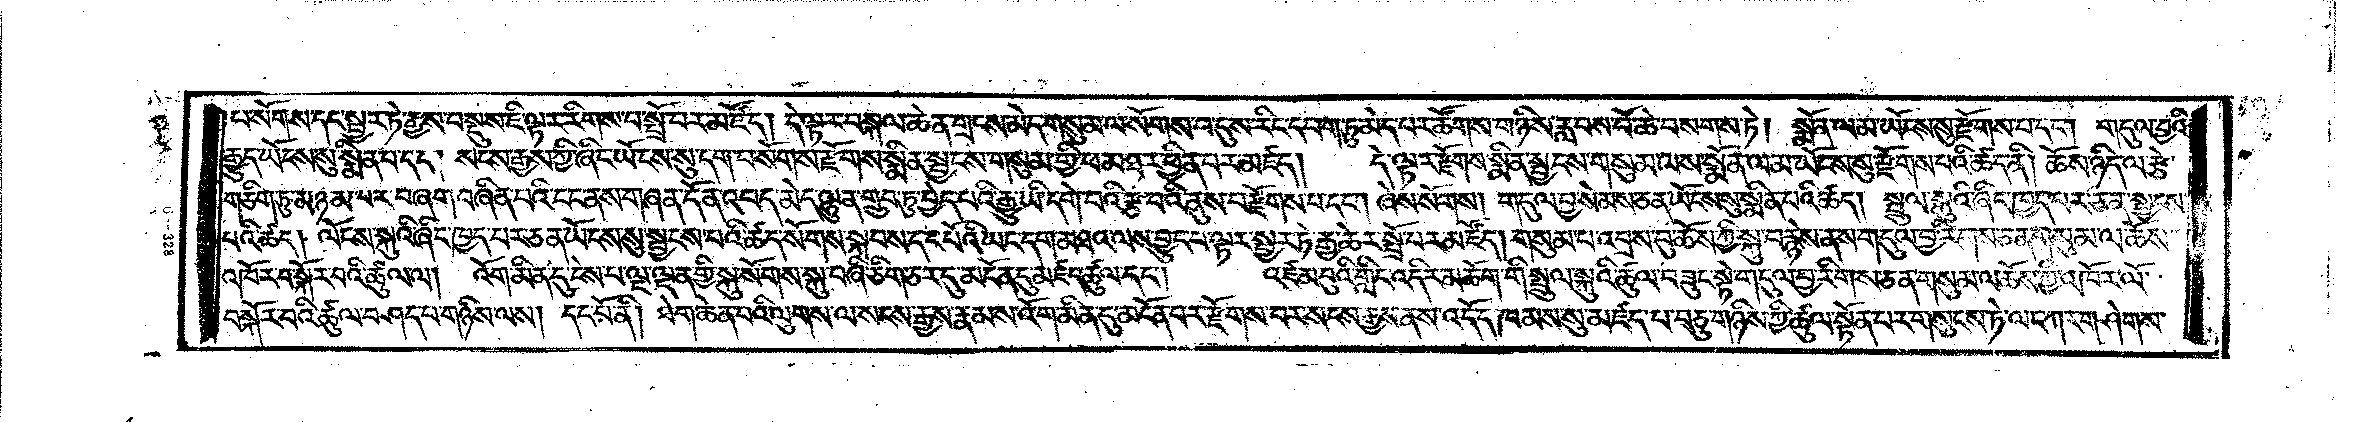པ་སོགས་དང་སྦྱར་ཏེ་རྒྱས་བསྡུས་ཇི་ལྟར་རིགས་པ་སྤྲོ་བར་མཛོད། དེ་ལྟར་བསྐལ་ཆེན་གྲངས་མེད་གསུམ་ལ་སོགས་བ་དུས་རིང་དཔག་ཏུ་མེད་པར་ཚོགས་གཉིས་རླབས་པོ་ཆེ་བསགས་ཏེ། སྨོན་ལམ་ཡོངས་སུ་རྫོགས་པ་དང་། གདུལ་བྱའི་
རྒྱུད་ཡོངས་སུ་སྨིན་པ་དང་། སངས་རྒྱས་ཀྱི་ཞིང་ཡོངས་སུ་དག་པ་སོགས་རྫོགས་སྨིན་སྦྱངས་གསུམ་གྱི་ཕ་མཐར་ཕྱིན་པར་མཛད། དེ་ལྟར་རྫོགས་སྨིན་སྦྱངས་གསུམ་ལས་སྨོན་ལམ་ཡོངས་སུ་རྫོགས་པའི་ཚད་ནི། ཆོས་ཉིད་ལ་རྩེ་
གཅིག་ཏུ་མཉམ་པར་བཞག་བཞིན་པའི་ངང་ནས་གཞན་དོན་འབད་མེད་ལྷུན་གྲུབ་ཏུ་བྱེད་པའི་རྒྱུ་ཡི་དགེ་བའི་རྩ་བའི་ནུས་པ་རྫོགས་པ་དང་། ཞེས་སོགས། གདུལ་བྱ་སེམས་ཅན་ཡོངས་སུ་སྨིན་པའི་ཚད། སྤྲུལ་སྐུའི་ཞིང་ཁྱད་པར་ཅན་སྦྱངས་
པའི་ཚད། ལོངས་སྐུའི་ཞིང་ཁྱད་པར་ཅན་ཡོངས་སུ་སྦྱངས་པའི་ཚད་སོགས་སྐབས་དང་པོའི་ཡང་དག་མཐའ་ལས་བྱུང་པ་ལྟར་སྦྱར་ཏེ་རྒྱ་ཆེར་སྤྲོ་པར་མཛོད། གསུམ་པ་འབྲས་བུ་ཆོས་ཀྱི་སྐུ་བརྙེས་ནས་གདུལ་བྱ་རིགས་ཅན་གསུམ་ལ་ཆོས་
འཁོར་བསྐོར་བའི་ཚུལ་ལ། འོག་མིན་དུ་ངེས་པ་ལྔ་ལྡན་གྱི་སྐུ་སོགས་སྐུ་བཞི་ཅིག་ཅར་དུ་མངོན་དུ་མཛད་ཚུལ་དང་། འཛམ་བུའི་གླིང་འདིར་མཆོག་གི་སྤྲུལ་སྐུའི་ཚུལ་བཟུང་སྟེ་གདུལ་བྱ་རིགས་ཅན་གསུམ་ལ་ཆོས་ཀྱི་འཁོར་ལོ་
བསྐོར་བའི་ཚུལ་བཤད་པ་གཉིས་ལས། དང་པོ་ནི། ཐེག་ཆེན་པོའི་ལུགས་ལ་སངས་རྒྱས་རྣམས་འོག་མིན་དུ་མངོན་པར་རྫོགས་པར་སངས་རྒྱས་ནས་འདོད་ཁམས་སུ་མཛད་པ་བཅུ་གཉིས་ཀྱི་ཚུལ་སྟོན་པར་གསུངས་ཏེ་ལ་དཀར་གཤེགས་